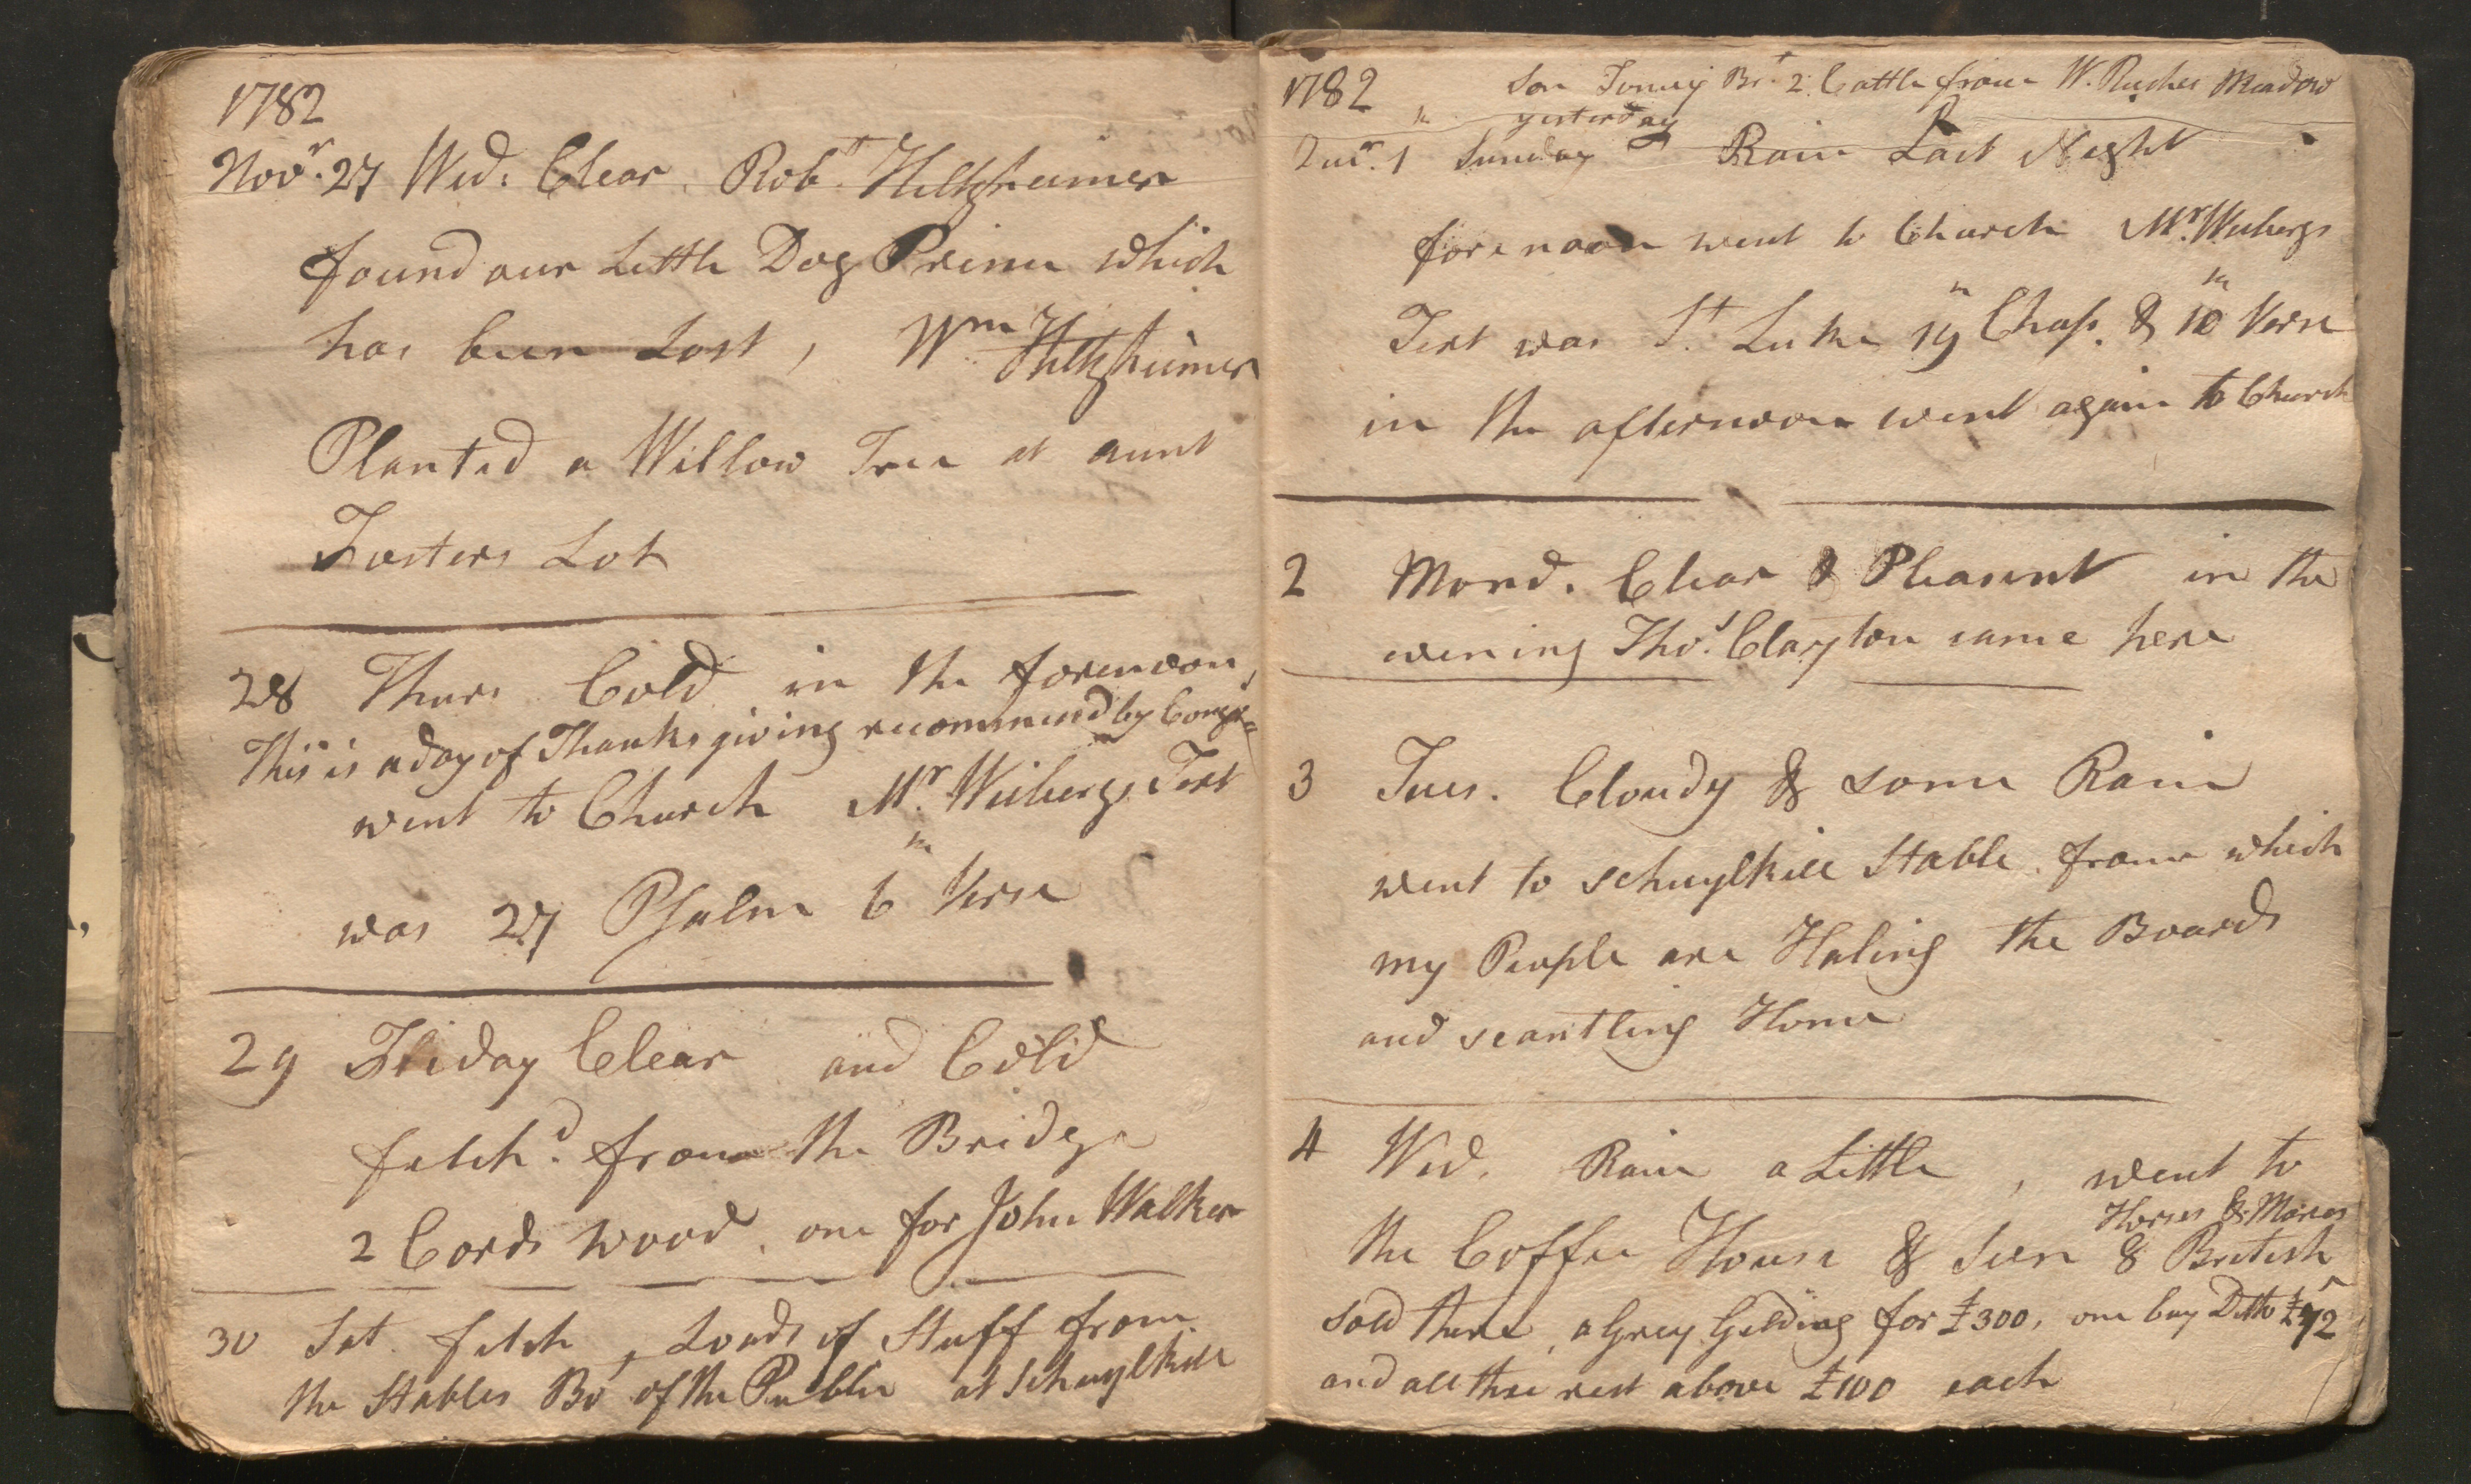1782
Nov^r. 27 Wed. Clear. Rob^t. Hiltzheimer
found our Little Dog Prince which
has been Lost, W^m. Hiltzheimer
Planted a Willow Tree at aunt
Fosters Lot
28 Thurs Cold in the forenoon
This is a day of Thanksgiving recommend by Congress
went to Church M^r. Weibergs Text
was 27 Psalm 6^th Verse
29 Friday Clear and Cold
fetch^d. fron the Bridge
2 Cords wood, one for John Walker
30 Set. fetch Loads of Stuff from
the Stables Bo^t. of the Public at Schuylkill
1782
Son Tomey Br^t. 2 Cattle from W. Rushes Meadow
yesterday
Dec^r. 1^th Sunday Rain Last Night
forenoon went to Church M^r. Weibergs
Text was S^t. Luke 19^th Chap. & 10^th Verse
in the afternoon went again to Church
2 Mond. Clear & Pleasent in the
evening Tho^s. Clayton came here
3 Tues. Cloudy & some Rain
went to schuylkill Stable from which
my People are Haling the Boards
and scantling Home
4 Wed. Rain a Little, went to
Horses & Mares
the Coffee House & seen 8 British ^
sold there, a Grey Gelding for £300, one bay Ditto £72
and all thee rest above £100 each